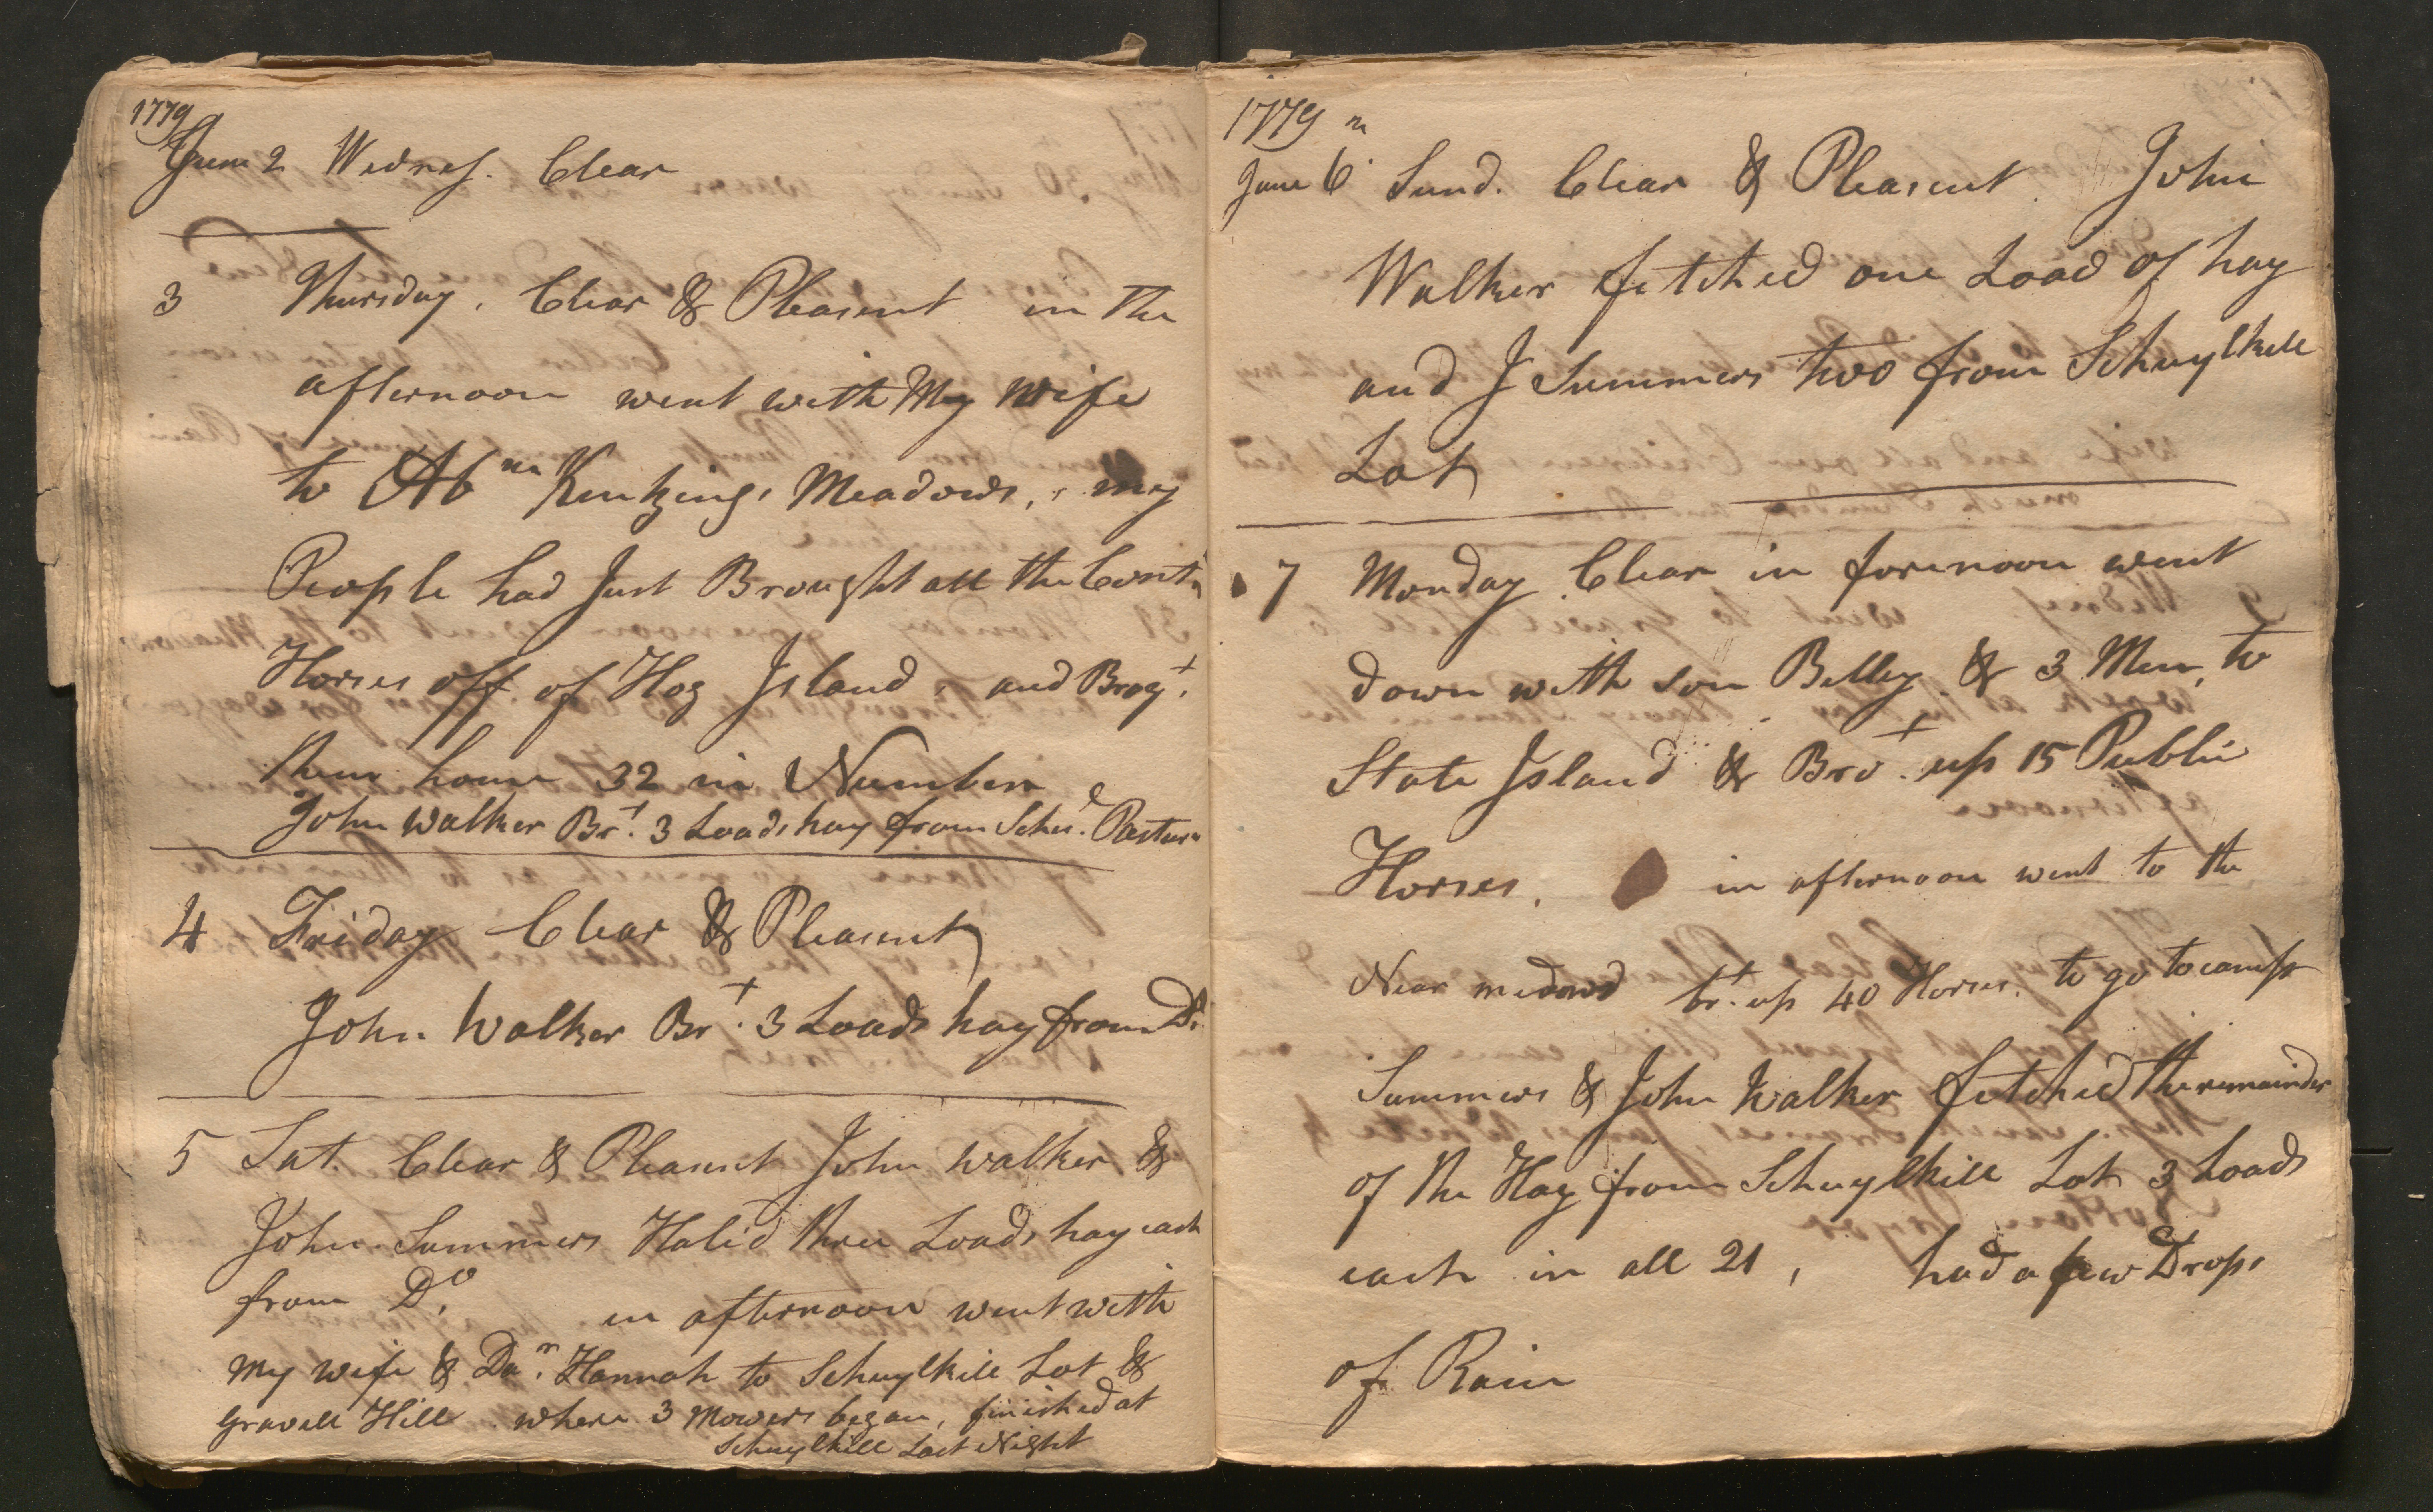1779
June 2 Wednes. Clear
3 Thursday. Clear & Pleasent in the
afternoon went with My wife
t Ab^m Kintzing Meadows, my
People had Jurt Brought all the Cont
Horses off of Hog Island, and Brog^t.
them home 32 in Number
John Walker Br^t. 3 Loads hay foon Schu^l. Pasture
4 Friday Clear & Pleasent
John Walker Br^r. 3 Loads hay from D^o.
5 Sat. Clear & Pleasent John walker &
Johe Summers Hale'd theree Loads hay cart
from D^o.
in afternoon weut with
my wife & Da^r. Hannah to Schuylkill Lot &
Gravell Hill where 3 Mowers began, finished at
Schuylkill Last Night
1779
June 6^th. Sund. Clear & Pleasent John
Walker fetched one Load of hay
and J Summers two from Schuylkill
Lot
Monday Clear in forenoon went
down with son Billey & 8 Men to
State Island & Bro up 15 Public
Horres, in afternoon went to the
Near medows br^t. up 40 Horses to go to camp
Summers & John walker fetched the remainder
of the Hay from Schuylkill Lot 3 Loads
each in all 21, had a few Drops
of Rain